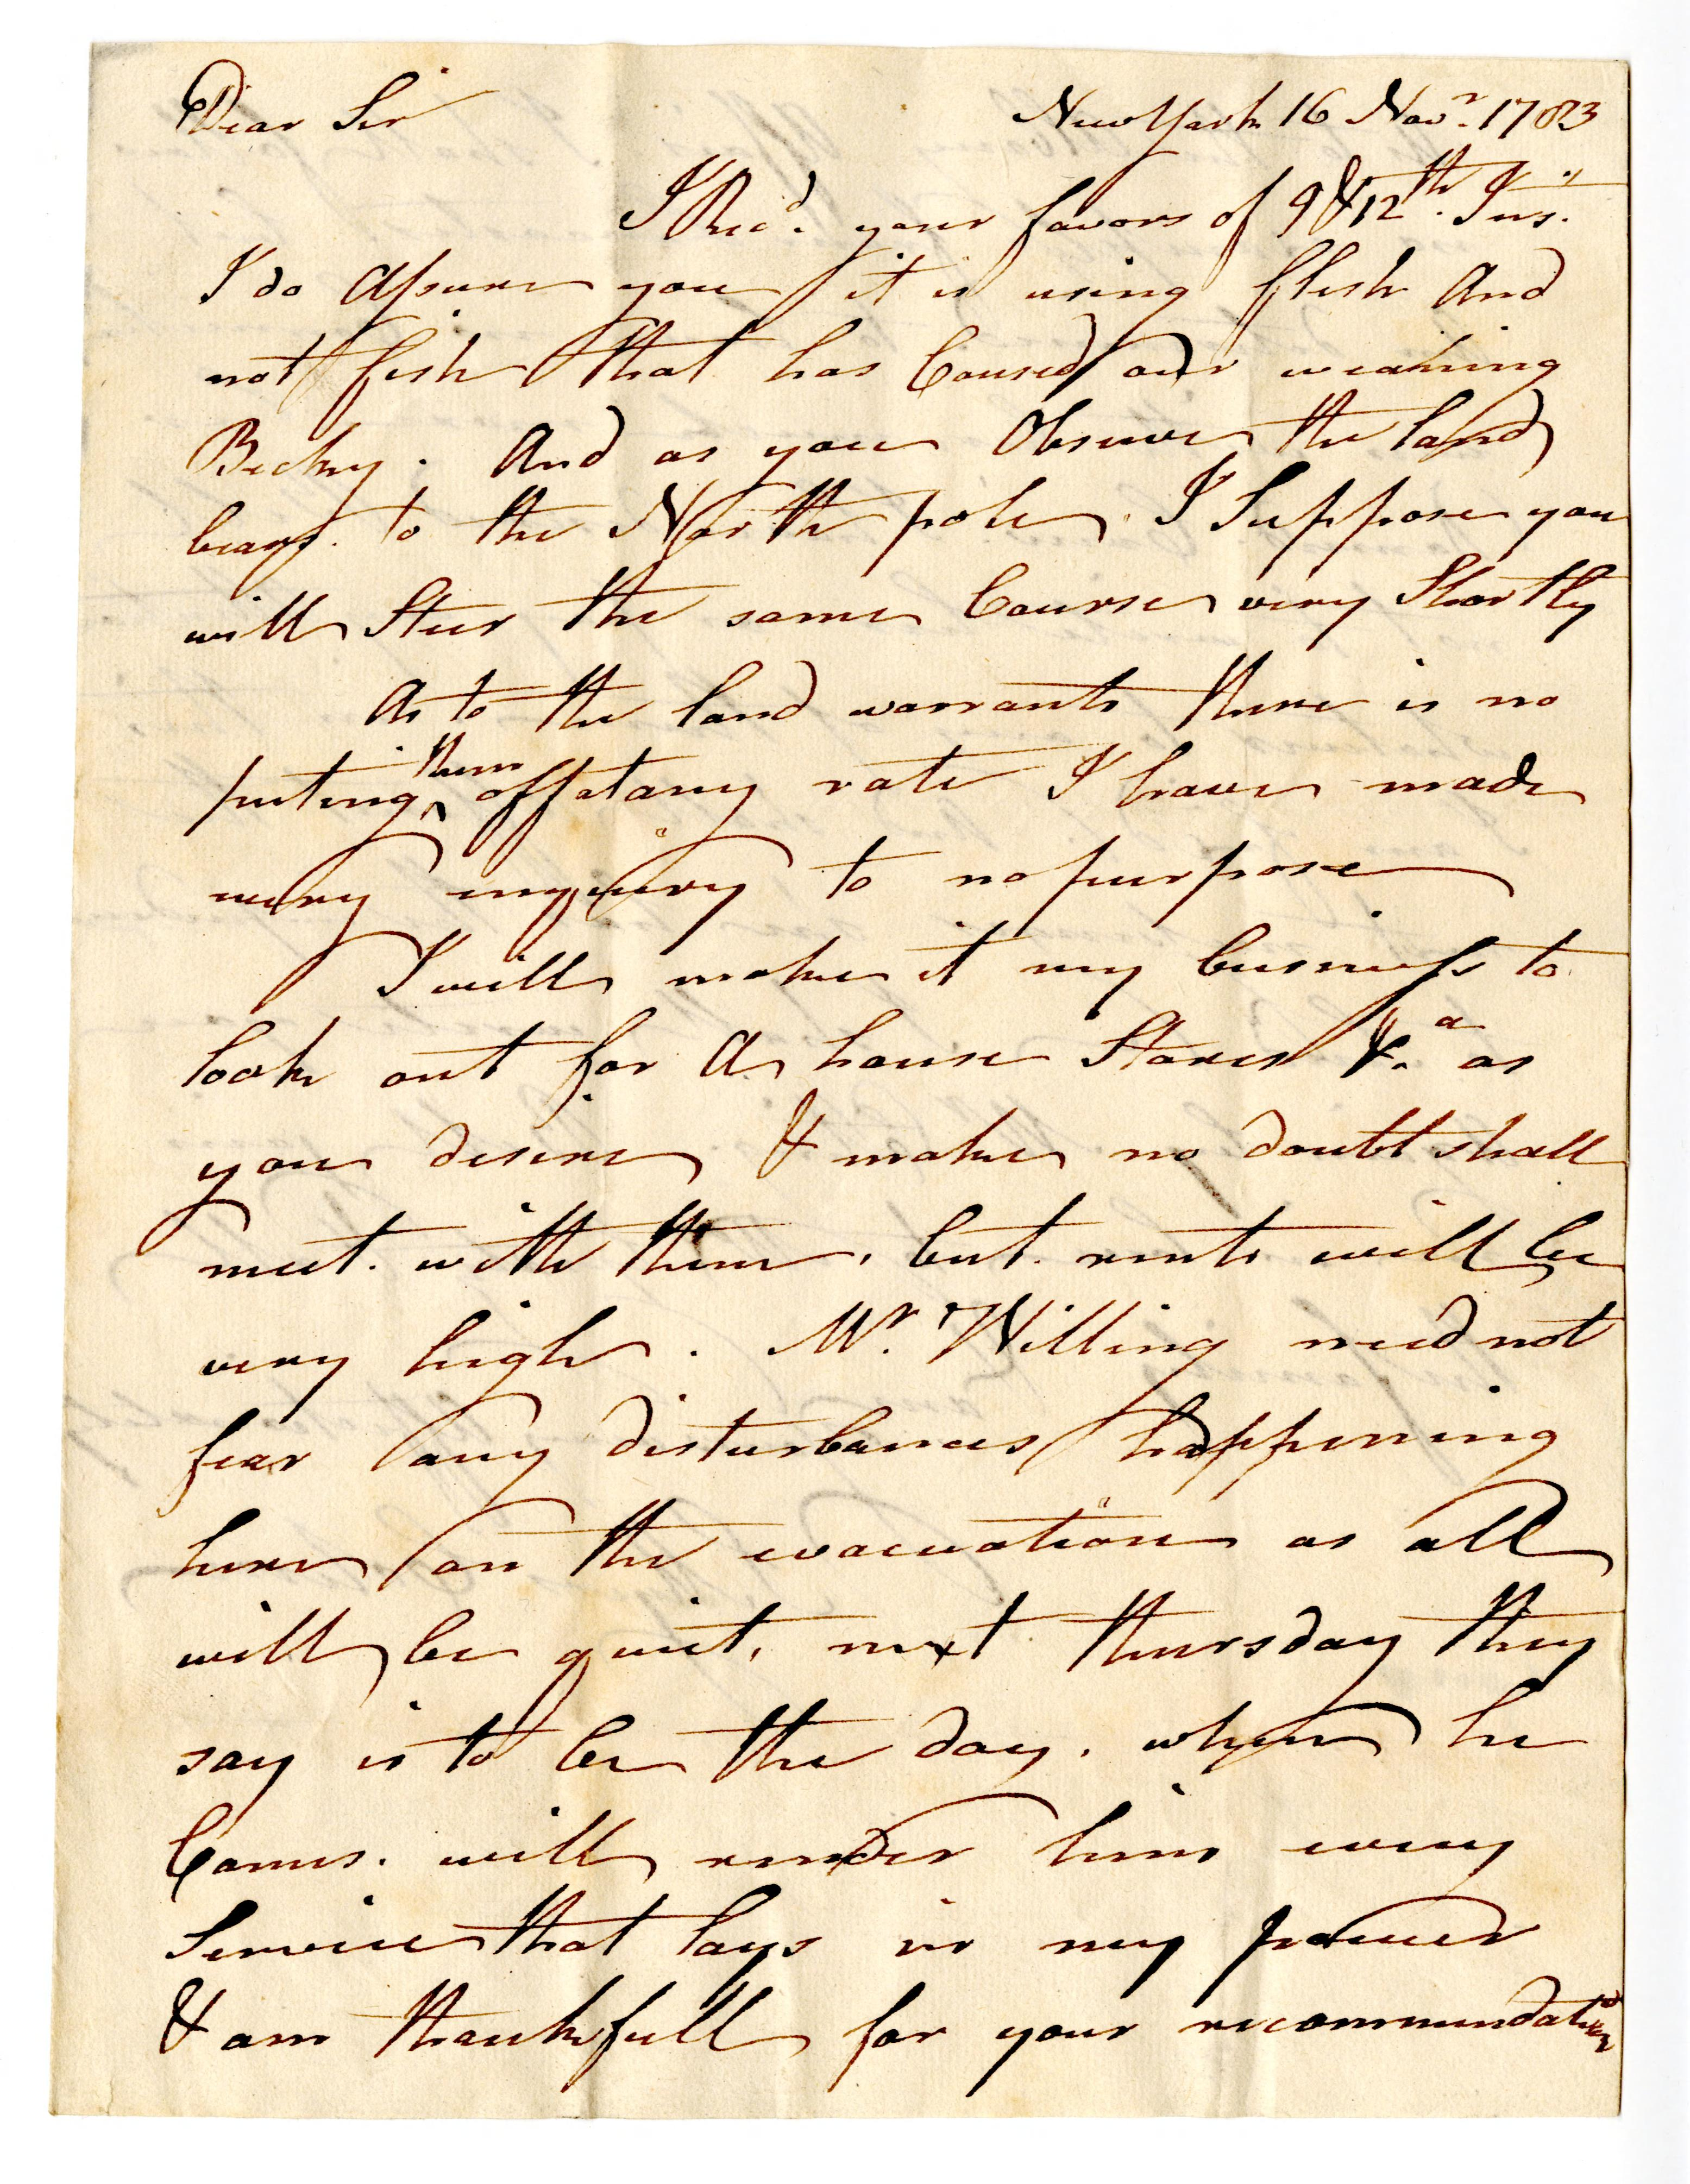New York 16 Nov^r. 1783
Dear Sir
I Rec^d. your favors of 9 & 12^th. Ins^t.
I do Assure you it is using flesh And
not fish & that has Caused our weakening
Bechy. And as you observe, the land
bears to the North pole I Suppose you
will Steer the same Course very shortly
as to the land warrants there is no
them
puting ^ off at any rate I have made
many inquiry to no purpose
I will make it my business to
look out for A house Staves &c^a as
your desine, & make no doubt shall
meet with them, but rents will be
very high. M^r. Willing need not
fear any disturbances happening
here from the evacuation as all
will be quiet, next Thursday they
say is to be the day. when he
Comes, will render his every
service that lays is my product
& am thankfull for your recommendation